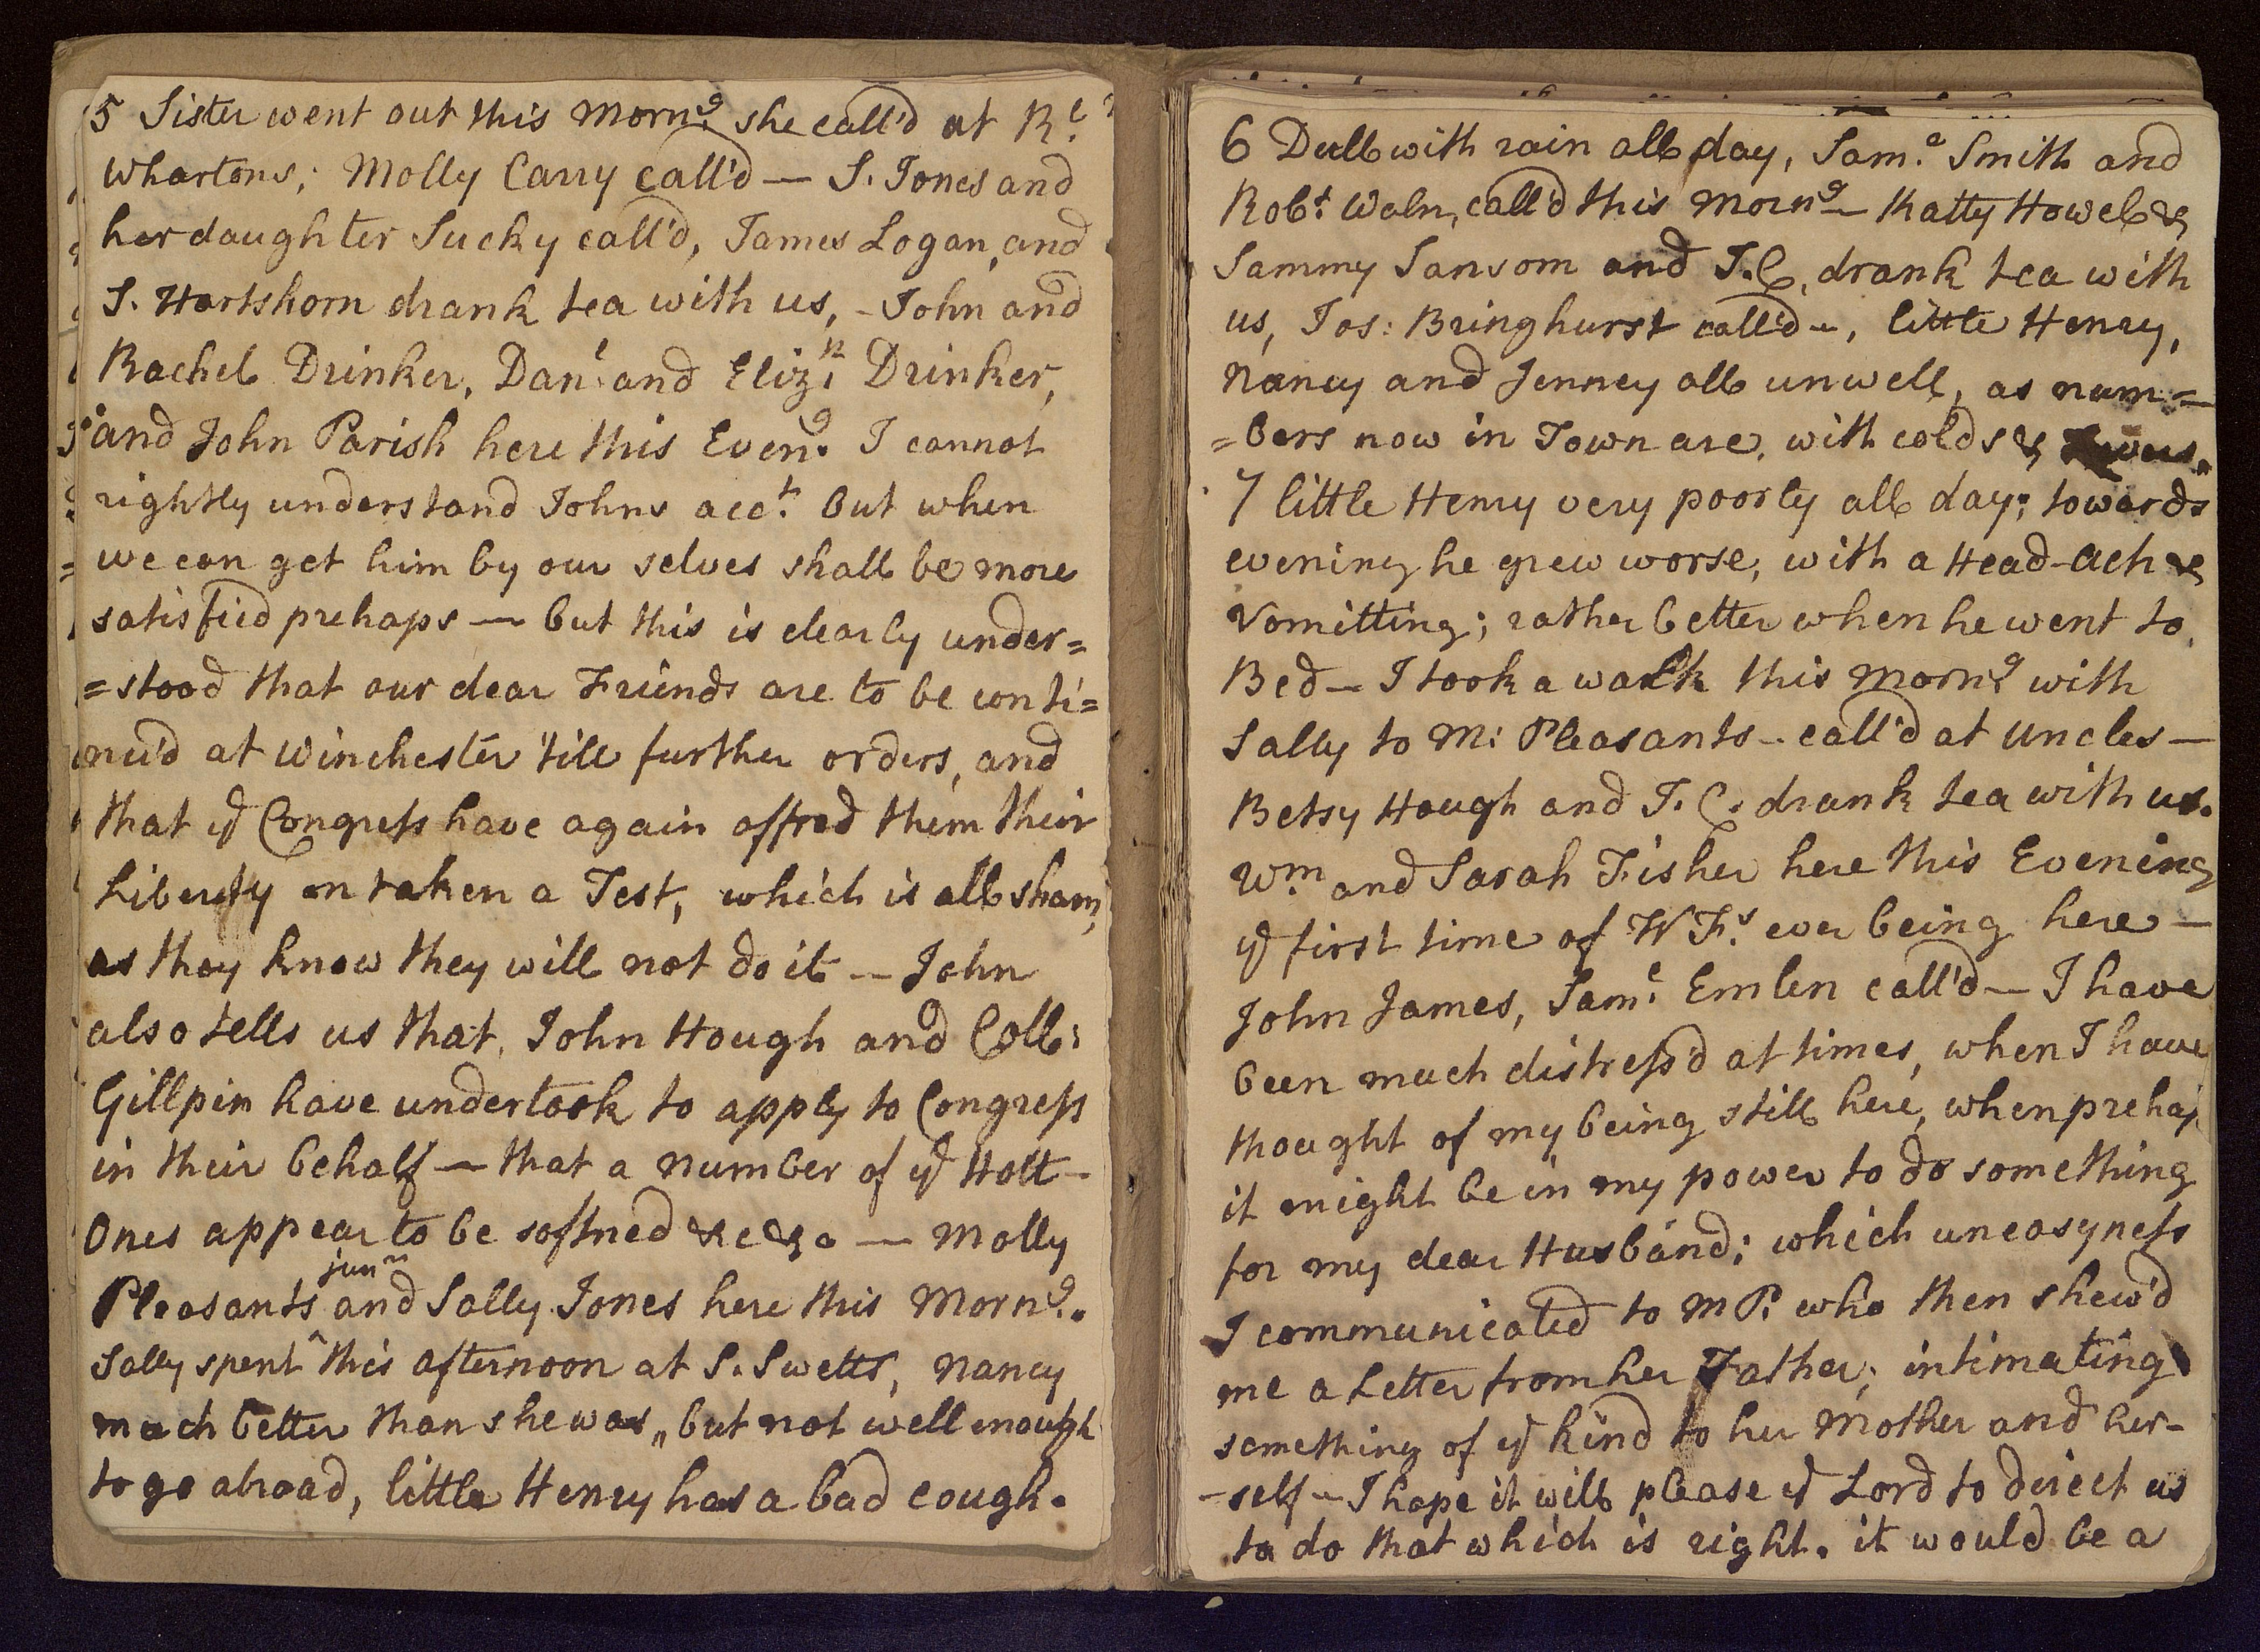5 Sister went out this Morn^g. she call'd at R^l.
Whartons; Molly Carry call'd- S. Jones and
her daughter Sucky call'd, James Logan, and
S. Hartshorn drank tea with us,- John and
Rachel Drinker, Dan^l. and Eliz^th. Drinker,
and John Parish here this Even^g. I cannot
rightly understand Johns acc^t. But when
we can get him by our selves shall be more
satisfied prehaps- but this is clearly under-
-stood that our dear Friends are to be conti-
nu'd at Winchester till further orders, and
that y^e Congress have again offred them their
Liberty on taken a Test, which is all sham,
as they know they will not do it- John
also tells us that John Hough and Coll^s
Gillpin have undertook to apply to Congress
in their behalf- that a number of y^e Hott-
Ones appear to be softned &c &c- Molly
jun^r
Pleasants ^ and Sally Jones here this Morn^g..
Sally spent this afternoon at S. Swetts, Nancy
much better than she was, but not well enough
to go abroad, little Henry has a bad cough.
6 Dull with rain all day, Sam^l. Smith and
Rob^t. Waln, call'd this Morn^g- Katty Howell &
Sammy Sansom and J.C. drank tea with
us, Jos. Bringhurst call'd-, little Honey,
Nancy and Jenney all unwell, as num-
-bers now in Town are with colds & [_] was
7 little Henry very poorly all day, towards
evening he grew worse, with a Head-ach &
Vomitting; rather better when he went to
Bed- I took a walk this morn^g. with
Sally to M: Pleasants- call'd at Uncles-
Betsy Hough and J.C. drank tea with us.
W^m. and Sarah Fisher here this Evening
y^e first time of W F^r. ever being here-
John James Sam^l. Emlen call'd- I have
been much distress'd at times, when I have
thought of my being still here, when prehap
it might be in my power to do something
for my dear Husband; which uneasyness
I communicated to MP. who then shew'd
me a Letter form her Father; intimating
something of y^e kind to her Mother and her-
-self- I hope it will please y^e Lord to direct us
to do that which is right. it would be a